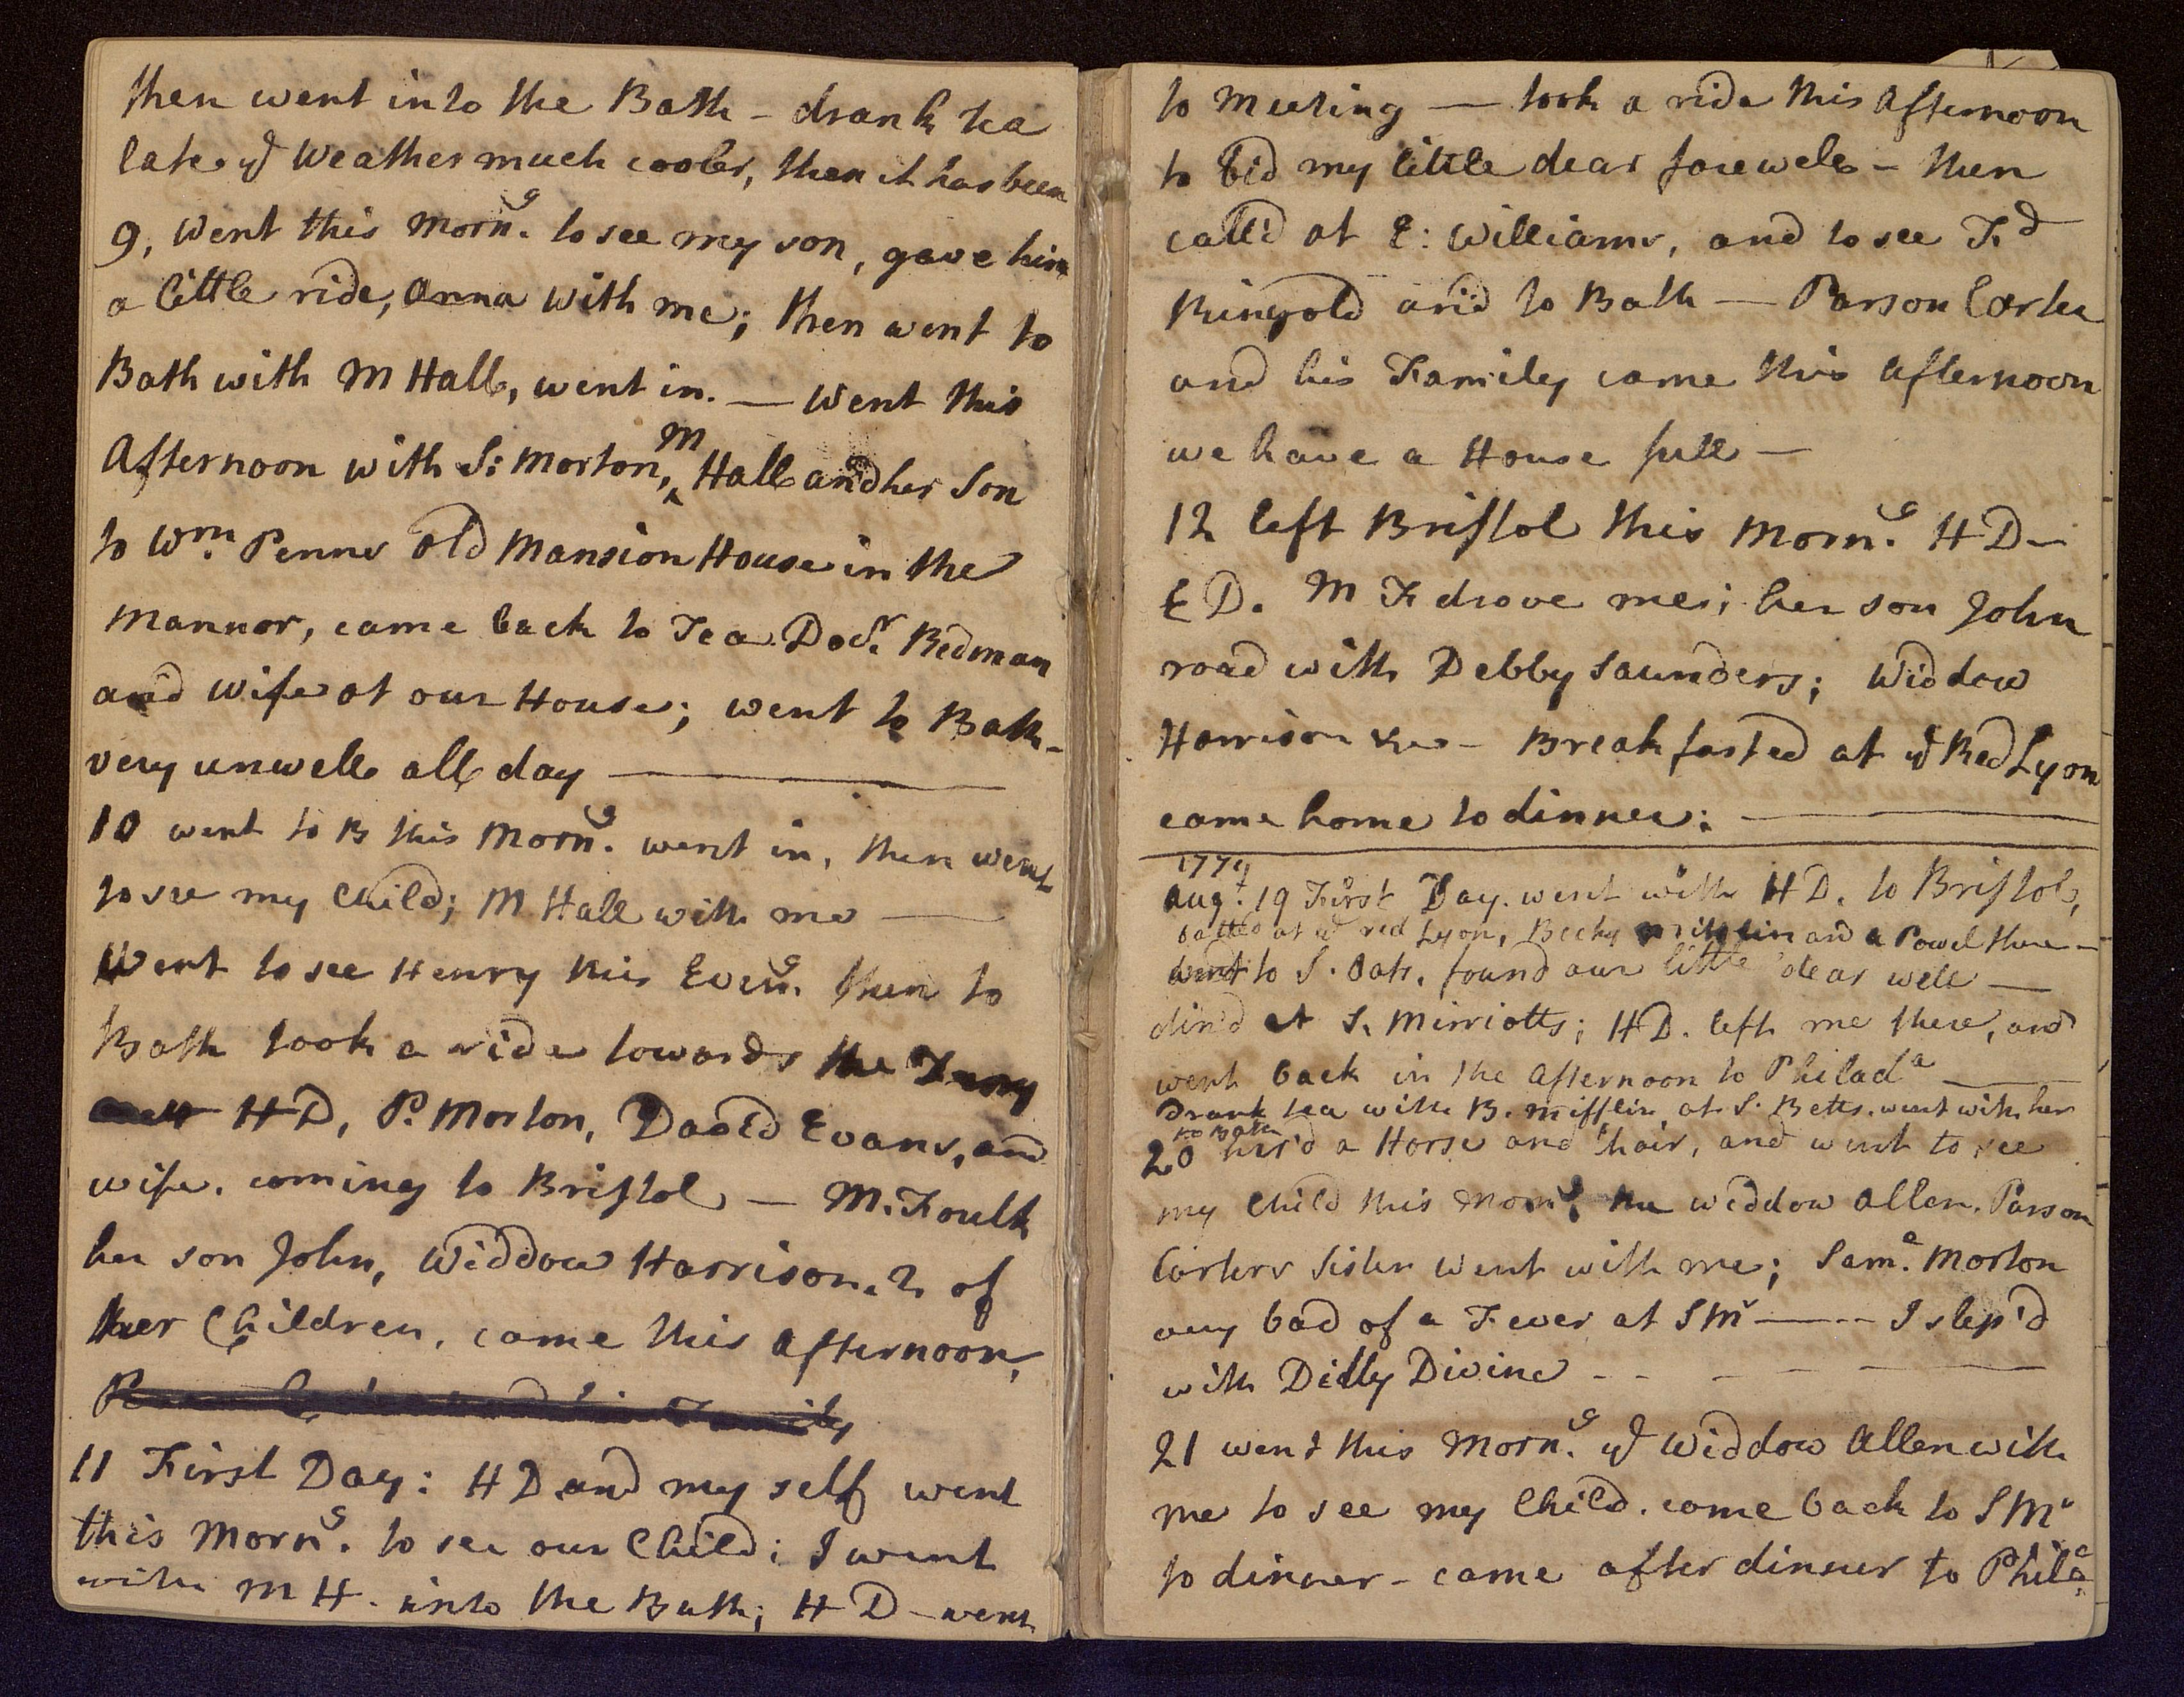then went into the Bath-drank Tea
late y^e weather much cooler, than it has been
9, went this morn^g. to see my son, gave him
a little ride, Anna with me; then went to
Bath with M Hall, went in.- went this
Afternoon with S: Morton, ^M Hall and her Son
to W^m. Penns old Mansion House in the
manner, came back to Tea. Doc^r. Redman
and wife of our House; went to Bath
very unwell all day-
10 went to B this Morn^g. went in, then went
to see my Child, M Hall with me-
Went to see Henry this Even^g. then to
Bath took a ride towards the Ferry
mett HD. P Morton, David Evans, and
wife, coming to Bristol,- M. Foulk
her son John, widdow Harrison. 2 of
her Children, came this Afternoon,
[P_______ ___ ____ ___ Family]]
11 First Day: HD. and my self went
this morn^g. to see our Child; I went
with MH. into the Bath; H D- went
to Meeting- took a ride this afternoon
to bid my little dear farewell- Men
call'd at E: Williams, and to see F^d
Ringold and to Bath- Parson Carter
and his Family came this afternoon
we have a House full-
12 left Bristol this morn^g. HD-
ED. M F drove me; her son John
road with Debby Saunders; Widdow
Harrison &c - Breakfasted at y^e Red Lyon
came home to dinner:
1771,
Aug^t. 19 First Day. went with HD. to Bristol,
batted at y^e red Lyon, Becky [Mifflin] and A Powel there-
went to S. Oats, found our little dear well-
din'd at S. Merriotts; HD. left me there, and
went back in the afternoon to Philad^a -
drank tea with B. Mifflin, at S. Betts, went wih her
to Bath
20 hir'd a Horse and Chair, and went to see
my child this Morn^g. the widdow Allen, Parson
Carters Sister went with me; Sam^l. Morton
very bad of a Fever at Sm^s-- I slep'd
with Dilly Divine--
21 went this morn^g. y^e Widdow Allen with
me to see my child come back to SM^s
to dinner-came after dinner to Phila^a